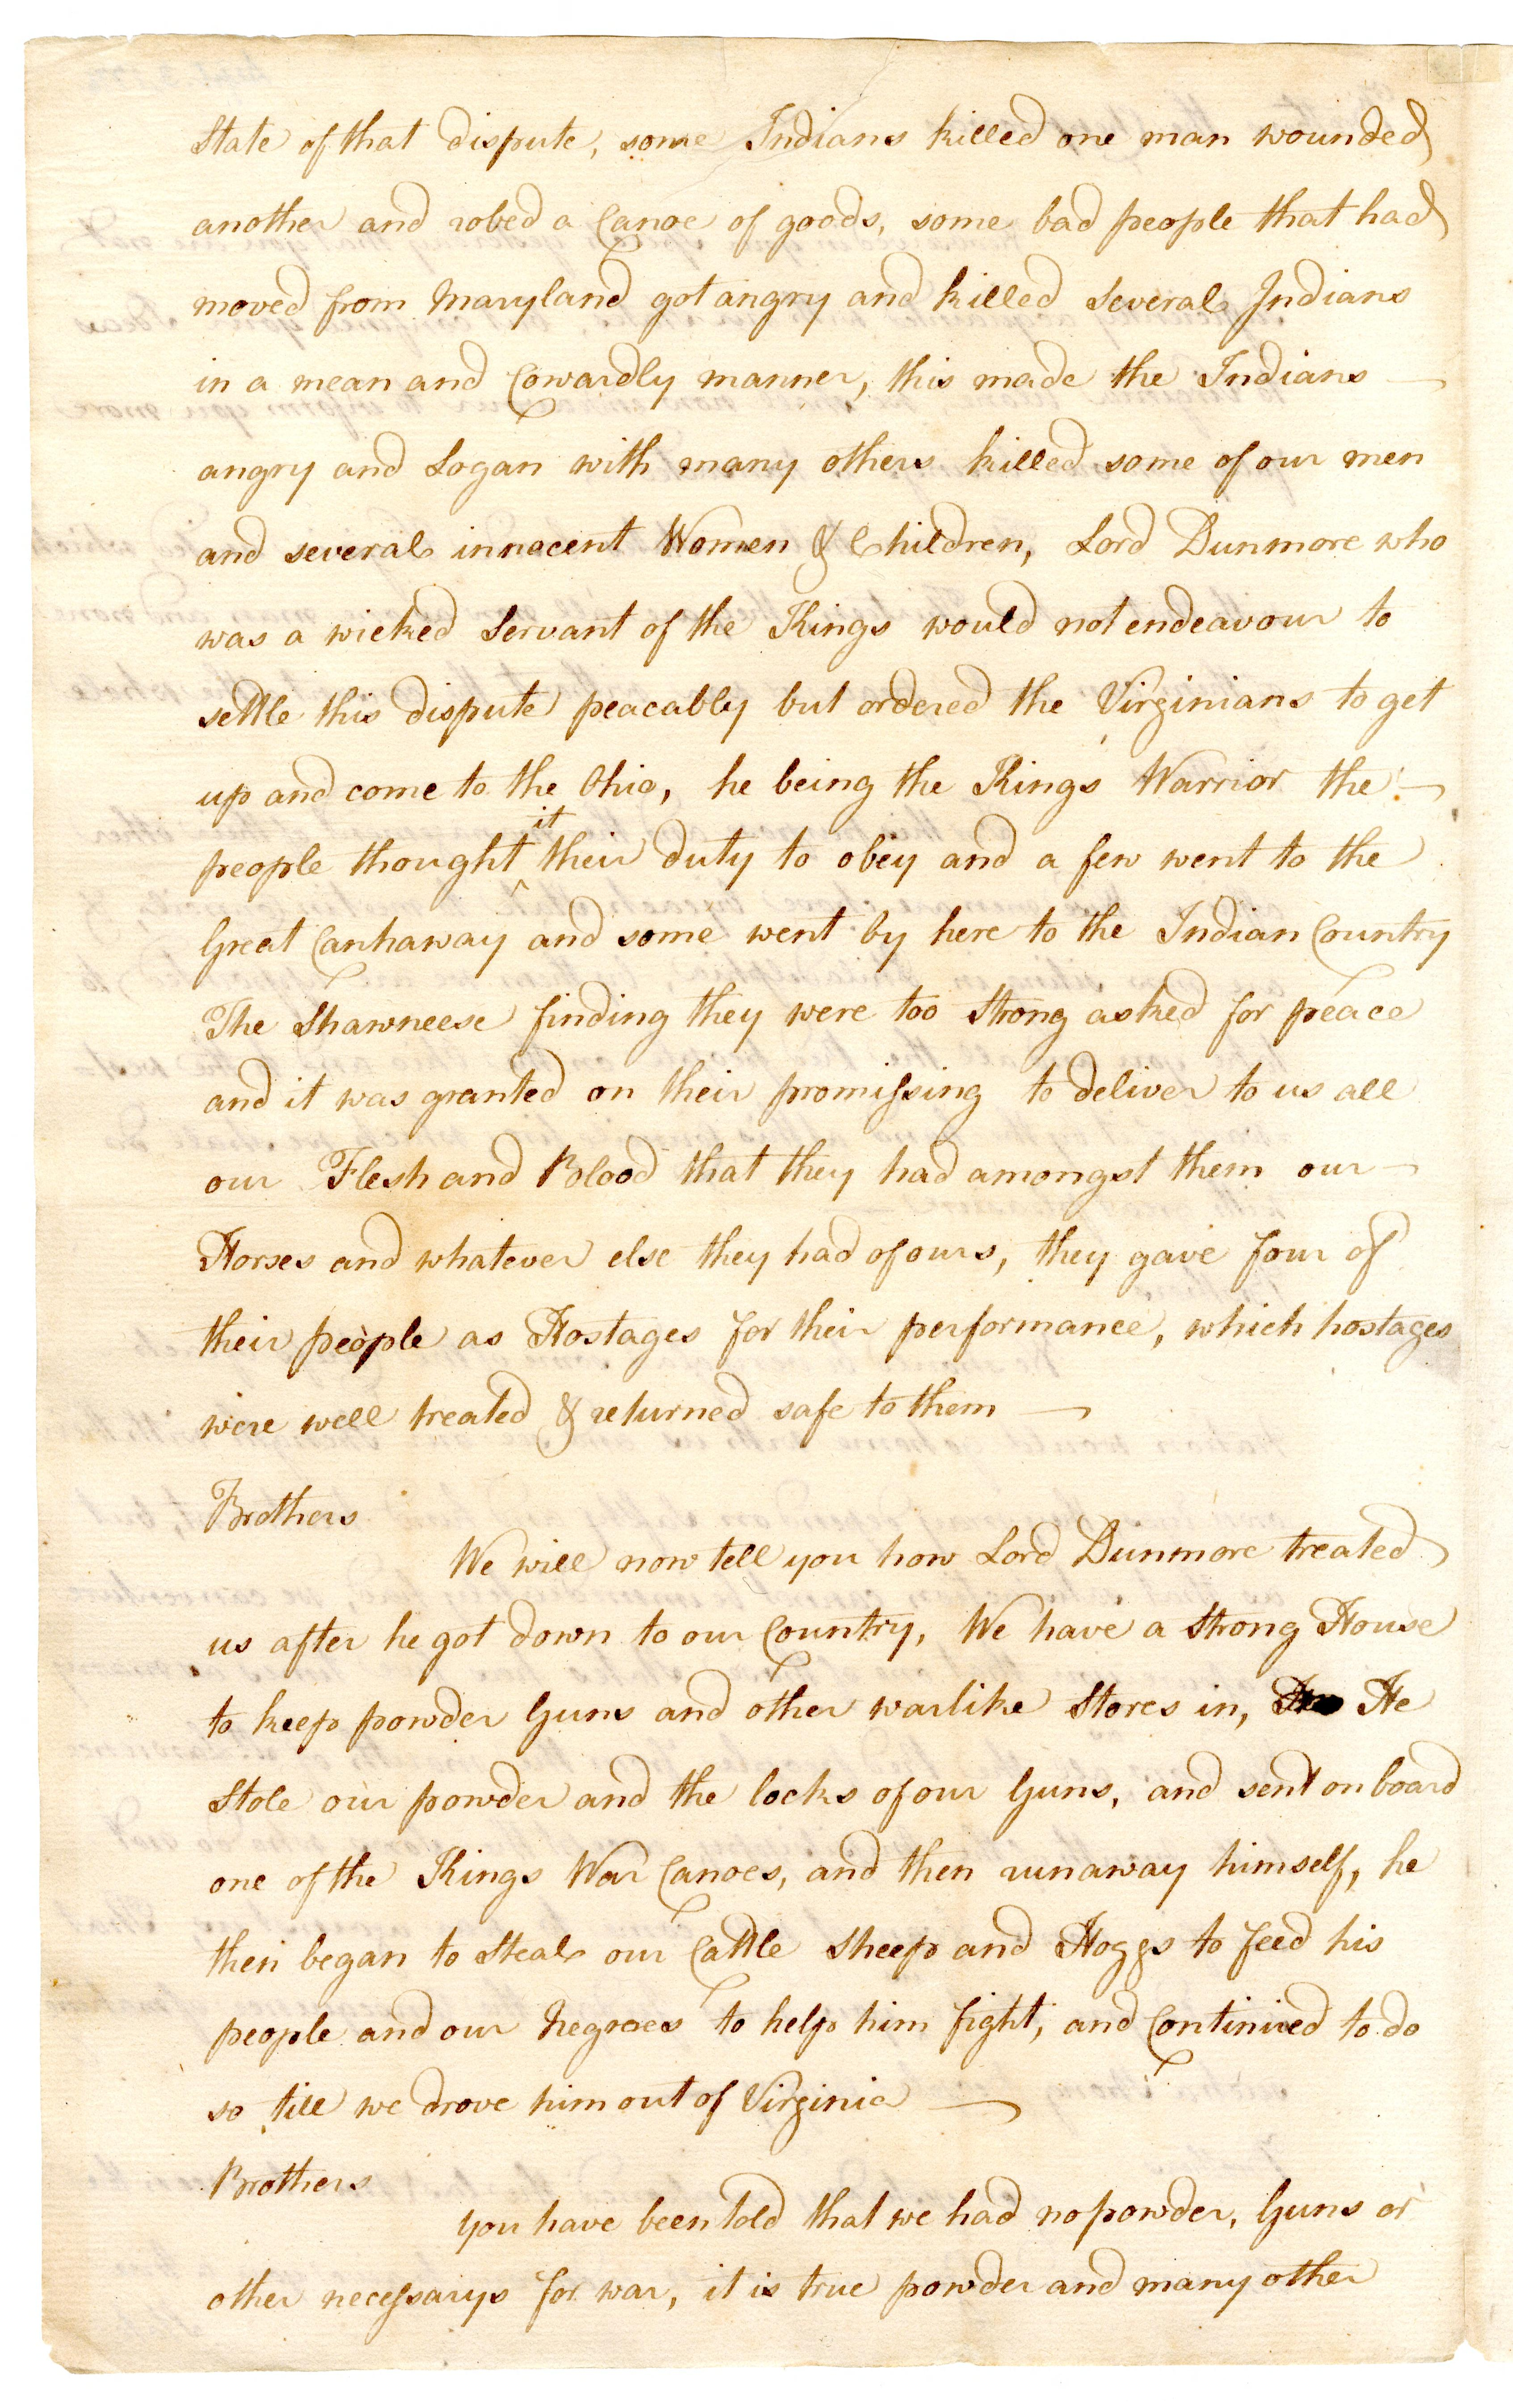State of that dispute, some Indians killed one man wounded
another and robed a Canoe of goods, some bad people that had
moved from Maryland got angry and killed several Indians
in a mean and Cowardly manner, this made the Indians
angry and Logan with many others killed some of our men
and several innocent Women & Children, Lord Dunmore who
was a wicked servant of the Kings would not endeavour to
settle this dispute peacably but ordered the Virginians to get
up and come to the Ohio, he being the King's Warrior the
it
people thought their duty to obey and a few went to the
Great Canhaway and some went by here to the Indian Country
The Shawneese finding they were too Strong asked for peace
and it was granted on their promissing to deliver to us all
our Flesh and Blood that they had amongst them our
Horses and whatever else they had of ours, they gave four of
their people as Hostages for their performance, which hostages
were well treated & returned safe to them
Brothers
We will now tell you how Lord Dunmore treated
us after he got down to our Country, We have a Strong House
to keep powder Guns and other warlike Stores in, [__]He
Stole our powder and the locks of our Guns, and sent on board
one of the Kings War Canoes, and then ran away himself, he
then began to Steal our Cattle Sheep and Hoggs to feed his
people and our Negroes to help him fight, and Continued to do
so till we drove him out of Virginia
Brothers
You have been told that we had no powder, Guns or
other necessarys for war, it is true powder and many other